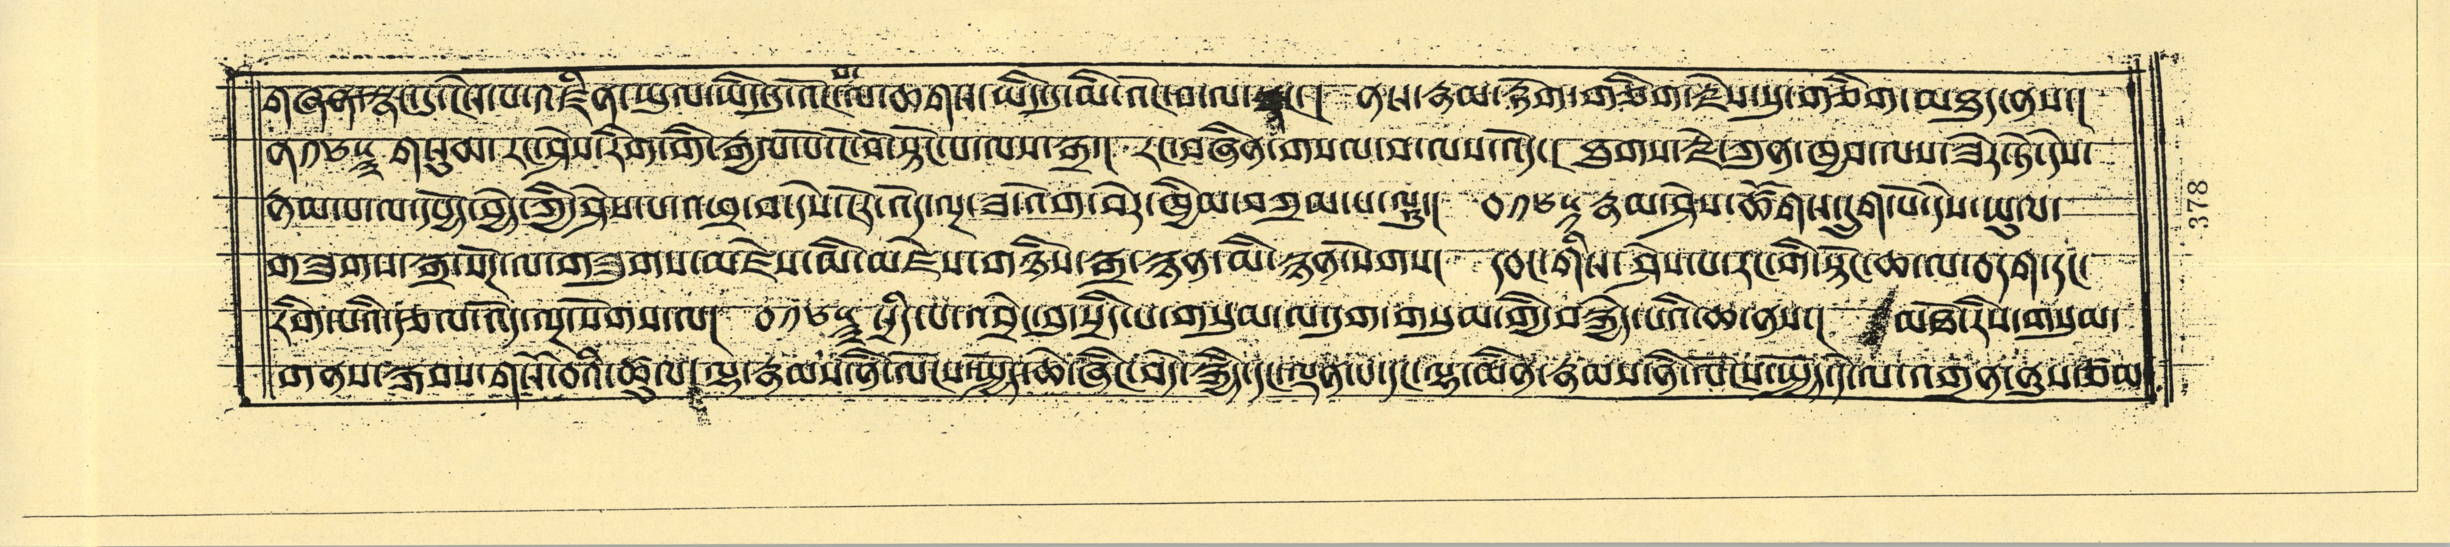༼གཞན་སྣང་དུ་ངེས་པ་འཛིན་༽ཡུལ་ཡིད་དུ་འོང་པ་ལ་ ༼ཆགས་༽ཡིད་དུ་མི་འོང་བ་ལ་སྣང། ༼ནས་༽རྣམ་རྟོག་གཅིག་རྗེས་སུ་གཅིག་མཐུད་ནས། 
ན༡༦༥།༣ ༼གསུམ་༽རང་ཤེས་རིག་གི་རྒྱལ་པོ་ངོ་བོ་སྟོང་པ་ལས་སྒྲ། རང་བཞིན་གསལ་བ་ལས་འོད། ཐུགས་རྗེ་ཀུན་ཁྱབ་ལས་ཟེར་ཏེ་དེས་
རྣམ་པ་ལ་དཔྱོད་བྱེད་ཀྱི་ཤེས་པ་འཕྲ་བ་དེས་ངོར་འོད་ལྔ་ཟ་འོག་བེར་ཁྱིམ་བཀྲམ་པ་ལྟ་བུ། བ༡༦༥།༡ རྣམ་ཤེས་ ༼ཚོགས་དྲུག་༽པོ་དེས་ ༼ཡུལ་༽
གཟུགས་སྒྲ་སོགས་ལ་གཟུགས་མཛེས་མི་མཛེས་གཉིས་སྒྲ་སྙན་མི་སྙན་སོགས། ༼དབང་གིས་༽ཤེས་པ་རང་གི་སྟོང་ཆ་ལ་ ༼བདག་དང་༽
རིག་པའི་རྩལ་འོད་ལྔ་སོགས་ལ། བ༡༦༥།༣ ༼སྲིད་པ་༽འབྲེང་བུ་སྲིད་པ་གསུམ་ལ་དུག་གསུམ་གྱི་བསྐྱེད་པའི་ཆ་ནས། མཐོ་རིས་གསུམ་
གནས་སྐབས་ ༼གསོ་བའི་ཚུལ་༽ལྷ་རྣམས་ནི་ལོངས་སྤྱོད་ཆེ་ཞིང་བདེ་སྐྱིད་དང་ལྡན་པ་དང་ལྷ་མིན་རྣམས་ནི་ལོངས་སྤྱོད་དེ་ལ་འགྲན་ནུས་ཙམ་